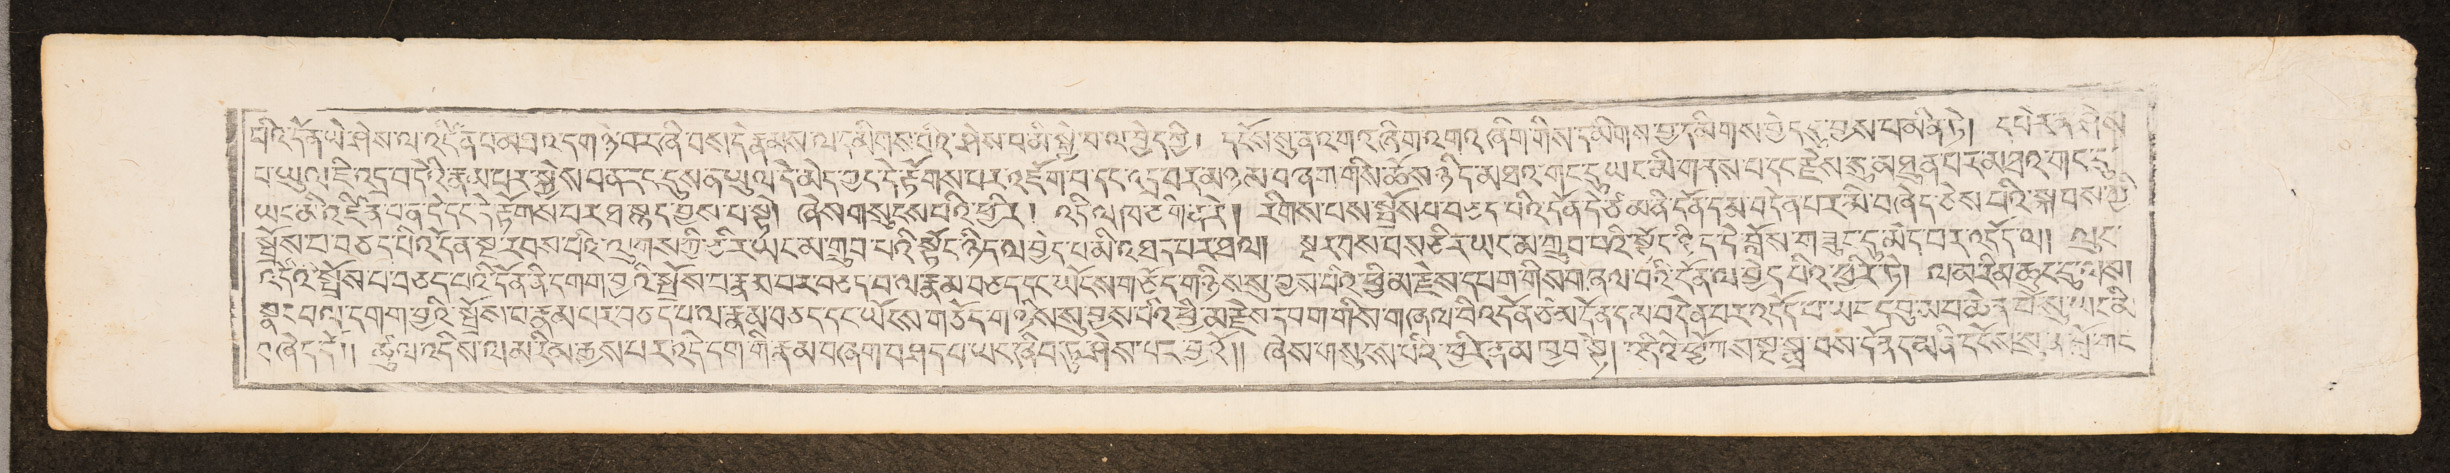པའི་དོན་ཡེ་ཤེས་ལ་འཛིན་པ་མཐའ་དག་ཉེ་བར་ཞི་བས་དེ་རྣམ་ལ་དམིགས་པའི་ཤེས་པ་མི་སྐྱེ་བ་ལ་བྱེད་ཀྱི། དངོས་སུ་ན་འགའ་ཞིག་འགའ་ཞིག་གིས་དམིགས་བྱ་དམིགས་བྱེད་དུ་བྱས་པ་མིན་ཏེ། དཔེར་ན་ཤེས་
པ་ཡུལ་ཇི་འདྲ་བ་དེའི་རྣམ་པར་སྐྱེས་པ་ན་རང་དུས་ན་ཡུལ་དེ་མེད་ཀྱང་དེ་རྟོགས་པར་འཇོག་པ་དང་འདྲ་བར་མཉམ་བཞག་གིས་ཆོས་ཉིད་མཐའ་ཡང་དུ་ཡང་མི་གནས་པ་དང་རྗེས་སུ་མཐུན་པར་མཐའ་གང་དུ་
ཡང་མི་འཛིན་པ་ན་དེ་དང་དེ་རྟོགས་པར་ཐ་སྙད་བྱས་པ་སྟེ། ཞེས་གསུངས་པའི་ཕྱིར། འདི་ལ་ཁ་ཅིག་ན་རེ། རིགས་པས་སྦྲོས་པ་བཅད་པའི་དོན་དེ་ཙམ་ནི་དོན་དམ་བདེན་པར་མི་བཞེད་ཅེས་པའི་སྐབས་ཀྱི་
སྤྲོས་པ་བཅད་པའི་དོན་སྔ་རབས་པའི་ལུགས་ཀྱི་ཅིར་ཡང་མ་གྲུབ་པའི་སྟོང་ཉིད་ལ་བྱེད་པ་མི་འཐད་པར་ཐལ། སྔ་རབས་པས་ཅིར་ཡང་མ་གྲུབ་པའི་སྟོང་ཉིད་དེ་བློས་ག་ཟུང་དུ་མེད་པར་འདོད་ལ། ལུང་
འདིའི་སྤྲོས་པ་བཅད་པའི་དོན་ནི་དགག་བྱའི་སྤྲོས་པ་རྣམ་པར་བཅད་པ་ལ་རྣམ་བཅད་དང་ཡོངས་གཅོད་གཉིས་སུ་བྱས་པའི་ཕྱི་མ་རྗེས་དཔག་གིས་གཞན་བའི་དོན་ལ་བྱེ་བའི་ཕྱིར་ཏེ། ལམ་རིམ་ཆུང་དུ་ལས།
སྣང་པ་ལ་ངག་བྱའི་སྦྲོས་པ་རྣམ་པར་བཅད་པ་ལ་རྣམ་བཅད་དང་ཡོངས་གཅོད་གཉིས་སུ་བྱས་པའི་ཕྱིར་མ་རྗེས་དཔག་གིས་གཞལ་བའི་དོན་དམ་བདེན་པར་འདོད་བ་ཡང་དབུ་མ་པ་ཆེན་པོ་སུ་ཡང་མི་
བཞེད་དོ། །ཚུལ་འདིས་ལམ་རིམ་རྒྱས་པར་འདི་དག་གི་རྣམ་བཞག་བཤད་པ་ཡང་ཞིབ་ཏུ་ཤེས་པར་བྱའོ། །ཞེས་གསུངས་པའི་ཕྱིར་ཁྱད་སྟེ། འདིའི་ཕྱོགས་སྔ་སྨྲ་བས་དོན་དམ་ནི་དངོས་སུ་ན་བློ་གང་